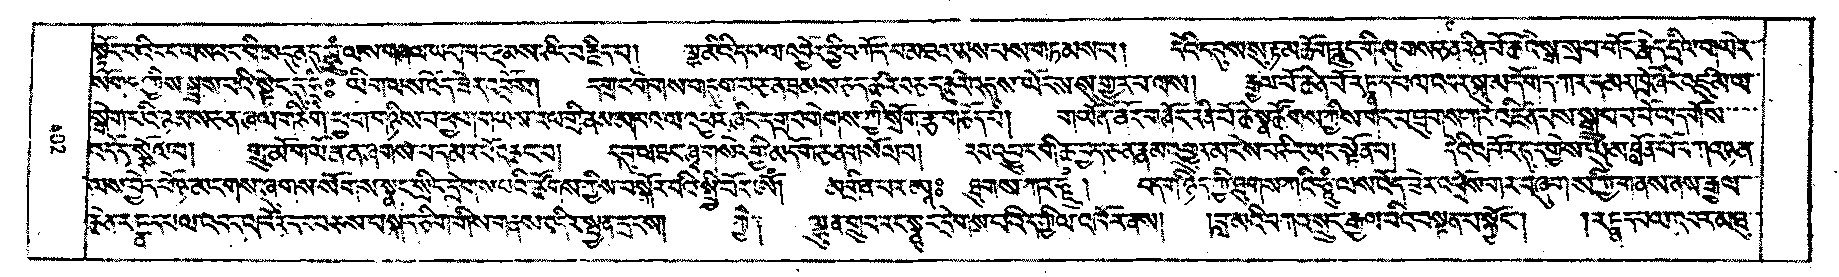སྟོང་པའི་ངང་ལས་རང་གི་མདུན་དུ་བྷྲུཾ་ལས་གཞལ་ཡང་ཁང་རྔམས་ཤིང་བརྗིད་པ། ལྷ་མིའི་དཔལ་འབྱོར་གྱི་བཀོད་པ་མཐའ་ཡས་པས་གཏམས་པ། དེའི་དབུས་སུ་རྟ་མཆོག་རླུང་གི་ཤུགས་ཅན་རིན་པོ་ཆེའི་སྒ་སྲབ་གོང་རྨེད་དྲིལ་གཡེར་
སོགས་ཀྱིས་སྤྲས་པའི་སྟེང་དུ་ཧྲཱིཿ ཡིག་ལས་འོད་ཟེར་འཕྲོས། དགྲ་བགེགས་གདུག་པ་ཅན་ཐམས་ཅད་ཚར་བཅད་ཚུར་འདུས་ཡོངས་སུ་གྱུར་པ་ལས། རྒྱལ་པོ་ཆེན་པོ་རཏྣ་དཔལ་འབར་སྐུ་མདོག་དཀར་དམར་ཁྲོ་ཞིང་འཛུམ་ལ་
སྒེག་པའི་ཉམས་ཅན་ཞལ་གཅིག་ཕྱག་གཉིས་པ་ཕྱག་གཡས་རལ་གྲི་ནམ་མཁའ་ལ་འཕྱར་ཞིང་དགྲ་བགེགས་ཀྱི་སྲོག་རྩ་གཅོད་པ། གཡོན་ནོར་གཞོང་རིན་པོ་ཆེ་སྣ་ཚོགས་ཀྱིས་གང་བ་ཐུགས་ཀར་འཛིན་པས་སྒྲུབ་པ་པོ་ལ་དགོས་
འདོད་སྩོལ་བ། གྲུ་མོ་གཡོན་ན་ཞགས་པ་དམར་པོ་འཆང་བ། དབུ་ལ་ཐང་ཞྭ་གསེར་གྱི་མདོག་ཅན་གསོལ་བ། རབ་འབྱུང་གི་ཆ་བྱད་ཅན་རྣམ་འགྱུར་མ་ངེས་པ་ཅིར་ཡང་སྟོན་པ། དེའི་འཁོར་དུ་དགྱེས་ཡུམ་བློན་པོ་བཀའ་ཉན་
ལས་བྱེད་ཕོ་ཉ་མངགས་ཞུགས་སོགས་སྣང་སྲིད་དྲེགས་པའི་ཚོགས་ཀྱིས་བསྐོར་བའི་སྤྱི་བོར་ཨོཾ། མགྲིན་པར་ཨཱཿ ཐུགས་ཀར་ཧཱུཾ། བདག་ཉིད་ཀྱི་ཐུགས་ཀའི་ཧཱུཾ་ལས་འོད་ཟེར་འཕྲོས་གར་བཞུགས་ཀྱི་གནས་ནས་རྒྱལ་
ཆེན་རཏྣ་དཔལ་འབར་འཁོར་དང་བཅས་པ་སྐད་ཅིག་གིས་གནས་འདིར་སྤྱན་དྲངས། ཀྱཻ། ལྷུན་གྲུབ་རང་སྣང་དྲེགས་པའི་དཀྱིལ་འཁོར་ནས། །བླ་མའི་བཀའ་སྲུང་རྒྱལ་བའི་བསྟན་པ་སྐྱོང་། །རཏྣ་དཔལ་འབར་མཐུ་